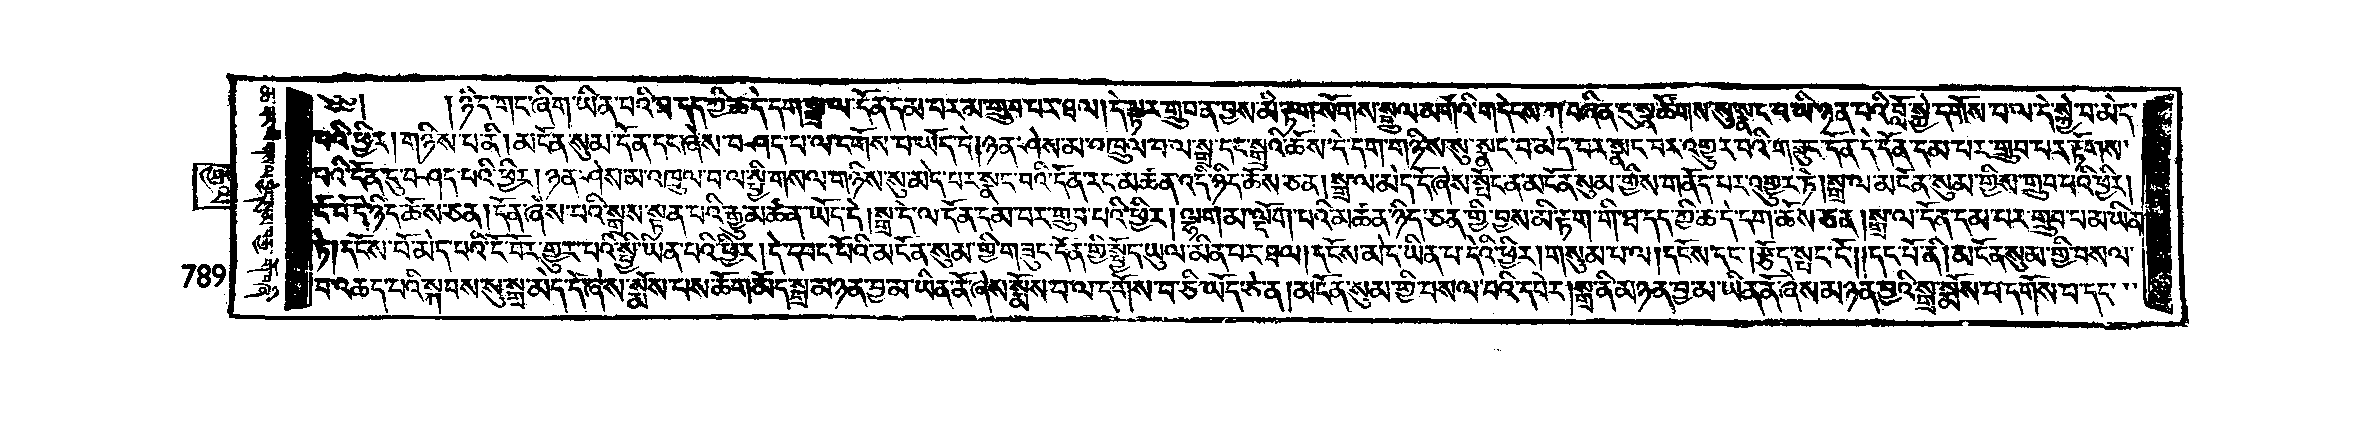༄༅། །ཉིད་གང་ཞིག་ཡིན་པའི་ཐ་དད་ཀྱི་ཆ་དེ་དག་སྒྲ་ལ་དོན་དམ་པར་མ་གྲུབ་པར་ཐལ། དེ་ལྟར་གྲུབ་ན་བྱས་མི་རྟག་སོགས་སྒྲུལ་མགོའི་གདེངས་ཀ་བཞིན་དུ་སྣ་ཚོགས་སུ་སྣང་བ་ཡི་ཉན་པའི་བློ་སྐྱེ་དགོས་པ་ལ་དེ་སྐྱེ་བ་མེད་
པའི་ཕྱིར། གཉིས་པ་ནི། མངོན་སུམ་དོན་དང་ཞེས་བཤད་པ་ལ་དགོས་པ་ཡོད་དེ། ཉན་ཤེས་མ་འཁྲུལ་བ་ལ་སྒྲ་དང་སྒྲའི་ཆོས་དེ་དག་གཉིས་སུ་སྣང་བ་མེད་པར་སྣང་བར་འགྱུར་བའི་གཟུང་དོན་དེ་དོན་དམ་པར་གྲུབ་པར་རྟོགས་
པའི་དོན་དུ་བཤད་པའི་ཕྱིར། ཉན་ཤེས་མ་འཁྲུལ་བ་ལ་སྤྱི་གསལ་གཉིས་སུ་མེད་པར་སྣང་བའི་དོན་རང་མཚན་འདི་ཉིད་ཆོས་ཅན། སྒྲ་ལ་མེད་དོ་ཞེས་སྤོང་ན་མངོན་སུམ་གྱིས་གནོད་པར་འགྱུར་ཏེ། སྒྲ་ལ་མངོན་སུམ་གྱིས་གྲུབ་པའི་ཕྱིར།
ངོ་བོ་དེ་ཉིད་ཆོས་ཅན། དོན་ཞེས་པའི་སྒྲས་སྟན་པའི་རྒྱུ་མཚན་ཡོད་དེ། སྒྲ་དེ་ལ་དོན་དམ་པར་གྲུབ་པའི་ཕྱིར། ལྷག་མ་ལྡོག་པའི་མཚན་ཉིད་ཅན་གྱི་བྱས་མི་རྟག་གི་ཐ་དད་ཀྱི་ཆ་དེ་དག་ཆོས་ཅན། སྒྲ་ལ་དོན་དམ་པར་གྲུབ་པ་མ་ཡིན་
ཏེ། དངོས་པོ་མེད་པའི་ངོ་བོར་གྱུར་པའི་སྤྱི་ཡིན་པའི་ཕྱིར། དེ་དབང་པོའི་མངོན་སུམ་གྱི་གཟུང་དོན་གྱི་སྤྱོད་ཡུལ་མིན་པར་ཐལ། དངོས་མེད་ཡིན་པ་དེའི་ཕྱིར། གསུམ་པ་ལ། དངོས་དང་། རྩོད་སྤང་ངོ། །དང་པོ་ནི། མངོན་སུམ་གྱི་བསལ་
བ་འཆད་པའི་སྐབས་སུ་སྒྲ་མེད་དོ་ཞེས་སྨོས་པས་ཆོག་མོད་སྒྲ་མཉན་བྱ་མ་ཡིན་ནོ་ཞེས་སྨོས་པ་ལ་དགོས་བ་ཅི་ཡོད་ཅེ་ན། མངོན་སུམ་གྱི་བསལ་བའི་དཔེར། སྒྲ་ནི་མཉན་བྱ་མ་ཡིན་ནོ་ཞེས་མཉན་བྱའི་སྒྲ་སྨོས་པ་དགོས་པ་དང་